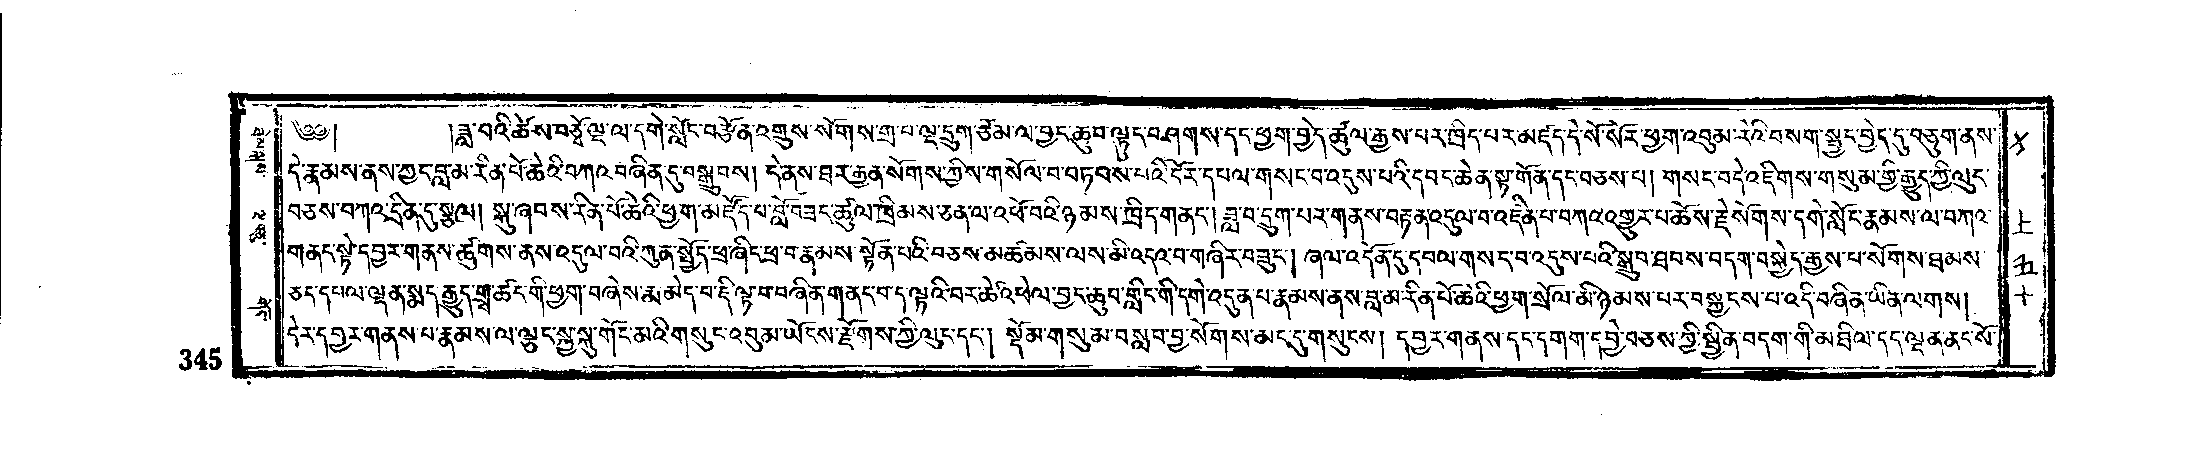༄༅། །ཟླ་བའི་ཚེས་བཅྭོ་ལྔ་ལ་དགེ་སློང་བརྩོན་འགྲུས་སོགས་གྲ་པ་ལྔ་དྲུག་ཙམ་ལ་བྱང་ཆུབ་ལྟུང་བཤགས་དང་ཕྱག་བྱེད་ཚུལ་རྒྱས་པར་ཁྲིད་པར་མཛད་དེ་སོ་སོར་ཕྱག་འབུམ་རེའི་བསག་སྦྱང་བྱེད་དུ་བཅུག་ནས་
དེ་རྣམས་ནས་ཀྱང་བླ་མ་རིན་པོ་ཆེའི་བཀའ་བཞིན་དུ་བསྒྲུབས། དེ་ནས་ཐར་རྒྱན་སོགས་ཀྱིས་གསོལ་བ་བཏབས་པའི་ངོར་དཔལ་གསང་བ་འདུས་པའི་དབང་ཆེན་སྟ་གོན་དང་བཅས་པ། གསང་བདེ་འཇིགས་གསུམ་གྱི་རྒྱུད་ཀྱི་ལུང་
བཅས་བཀའ་དྲིན་དུ་སྩལ། སྐུ་ཞབས་རིན་པོ་ཆེའི་ཕྱག་མཛོད་པ་བློ་བཟང་ཚུལ་ཁྲིམས་ཅན་ལ་འཕོ་བའི་ཉམས་ཁྲིད་གནང་། ཟླ་བ་དྲུག་པར་གནས་བརྟན་འདུལ་བ་འཛིན་པ་བཀའ་འགྱུར་པ་ཆོས་རྗེ་སོགས་དགེ་སློང་རྣམས་ལ་བཀའ་
གནང་སྟེ་དབྱར་གནས་ཚུགས་ནས་འདུལ་བའི་ཀུན་སྤྱོད་ཕྲ་ཞིང་ཕྲ་བ་རྣམས་སྟོན་པའི་བཅས་མཚམས་ལས་མི་འདའ་བ་གཞིར་བཟུང་། ཞལ་འདོན་དུ་དཔལ་གསང་བ་འདུས་པའི་སྒྲུབ་ཐབས་བདག་བསྐྱེད་རྒྱས་པ་སོགས་ཐམས་
ཅད་དཔལ་ལྡན་སྨད་རྒྱུད་གྲྭ་ཚང་གི་ཕྱག་བཞེས་རྨ་མེད་པ་ཇི་ལྟ་བ་བཞིན་གནང་བ་ད་ལྟའི་བར་ཚེ་འཕེལ་བྱང་ཆུབ་གླིང་གི་དགེ་འདུན་པ་རྣམས་ནས་བླ་མ་རིན་པོ་ཆེའི་ཕྱག་སྲོལ་མི་ཉམས་པར་བསྐྱངས་པ་འདི་བཞིན་ཡིན་ལགས།
དེར་དབྱར་གནས་པ་རྣམས་ལ་ལྕང་སྐྱ་སྐུ་གོང་མའི་གསུང་འབུམ་ཡོངས་རྫོགས་ཀྱི་ལུང་དང་། སྡོམ་གསུམ་བསླབ་བྱ་སོགས་མང་དུ་གསུངས། དབྱར་གནས་དང་དགག་དབྱེ་བཅས་ཀྱི་སྦྱིན་བདག་གི་མཐིལ་དད་ལྡན་ནང་སོ་